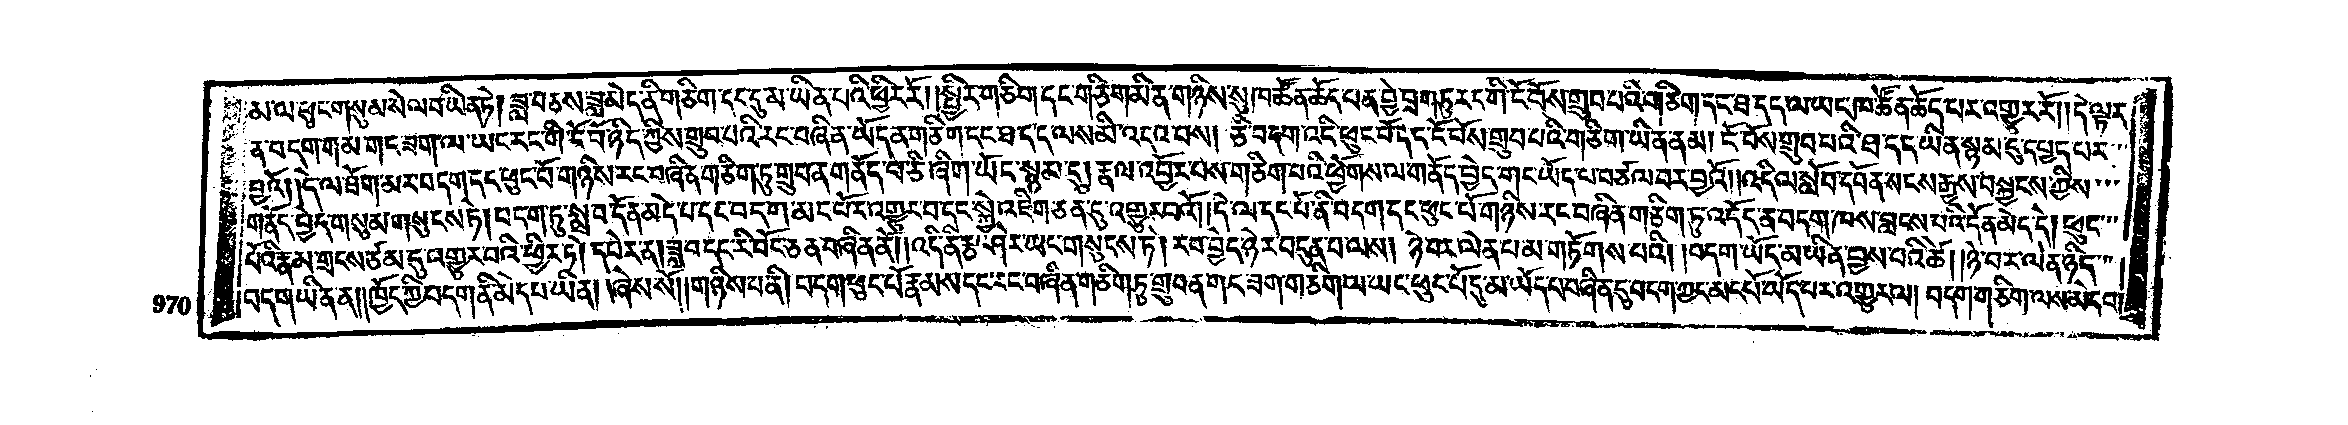མ་ལ་ཕུང་གསུམ་སེལ་བ་ཡིན་ཏེ། ཟླ་བཅས་ཟླ་མེད་ནི་གཅིག་དང་དུ་མ་ཡིན་པའི་ཕྱིར་རོ། །སྤྱིར་གཅིག་དང་གཅིག་མིན་གཉིས་སུ་ཁ་ཚོན་ཆོད་པ་ན་བྱེ་བྲག་ཏུ་རང་གི་ངོ་པོས་གྲུབ་པའི་གཅིག་དང་ཐ་དད་ལ་ཡང་ཁ་ཚོན་ཆོད་པར་འགྱུར་རོ། །དེ་ལྟར་
ན་བདག་གམ་གང་ཟག་ལ་ཡང་རང་གི་ངོ་བོ་ཉིད་ཀྱིས་གྲུབ་པའི་རང་བཞིན་ཡོད་ན་གཅིག་དང་ཐ་དད་ལས་མི་འདའ་བས། ཅི་བདག་འདི་ཕུང་པོ་དང་ངོ་བོས་གྲུབ་པའི་གཅིག་ཡིན་ནམ། ངོ་བོས་གྲུབ་པའི་ཐ་དད་ཡིན་སྙམ་དུ་དཔྱད་པར་
བྱའོ༑ ༑དེ་ལ་ཐོག་མར་བདག་དང་ཕུང་པོ་གཉིས་རང་བཞིན་གཅིག་ཏུ་གྲུབ་ན་གནོད་པ་ཅི་ཞིག་ཡོད་སྙམ་དུ། རྣལ་འབྱོར་པས་གཅིག་པའི་ཕྱོགས་ལ་གནོད་བྱེད་གང་ཡོད་པ་བཙལ་བར་བྱའོ། །འདི་ལ་སློབ་དཔོན་སངས་རྒྱས་བསྐྱངས་ཀྱིས་
གནོད་བྱེད་གསུམ་གསུངས་ཏེ། བདག་ཏུ་སྨྲ་བ་དོན་མེད་པ་དང་བདག་མང་པོར་འགྱུར་བ་དང་སྐྱེ་འཇིག་ཅན་དུ་འགྱུར་བའོ། །དེ་ལ་དང་པོ་ནི་བདག་དང་ཕུང་པོ་གཉིས་རང་བཞིན་གཅིག་ཏུ་འདོད་ན་བདག་ཁས་བླངས་པའི་དོན་མེད་དེ། ཕུང་
པོའི་རྣམ་གྲངས་ཙམ་དུ་འགྱུར་པའི་ཕྱིར་ཏེ། དཔེར་ན། ཟླ་བ་དང་རི་བོང་ཅན་བཞིན་ནོ། །འདི་ནི་རྩ་ཤེར་ཡང་གསུངས་ཏེ། རབ་བྱེད་ཉེར་བདུན་པ་ལས། ཉེ་བར་ལེན་པ་མ་གཏོགས་པའི། །བདག་ཡོད་མ་ཡིན་བྱས་པའི་ཚེ། །ཉེ་བར་ལེན་ཉིད་
བདག་ཡིན་ན། །ཁྱོད་ཀྱི་བདག་ནི་མེད་པ་ཡིན། །ཞེས་སོ། །གཉིས་པ་ནི། བདག་ཕུང་པོ་རྣམས་དང་རང་བཞིན་གཅིག་ཏུ་གྲུབ་ན་གང་ཟག་གཅིག་ལ་ཡང་ཕུང་པོ་དུ་མ་ཡོད་པ་བཞིན་དུ་བདག་ཀྱང་མང་པོ་ཡོད་པར་འགྱུར་ལ། བདག་གཅིག་ལས་མེད་པ་